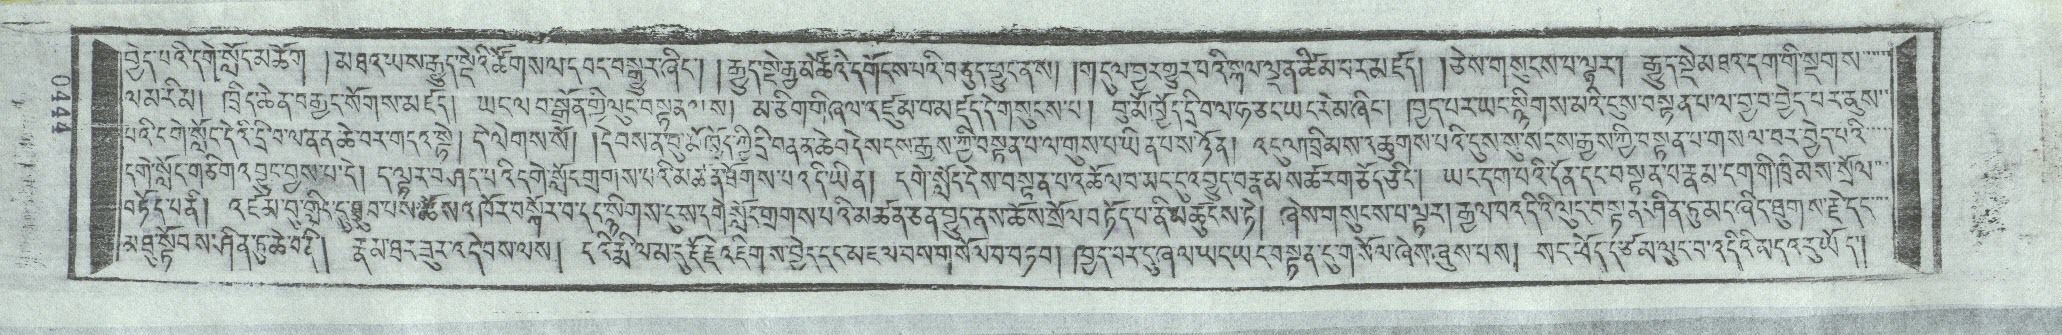བྱིད་པའི་དགེ་སློང་མཆོག །མཐའ་ཡས་རྒྱུད་སྡེའི་ཚོགས་ལ་དབང་བསྒྱུར་ཞིང་། །རྒྱུད་སྡེ་རྒྱ་མཚོའི་དགོངས་པའི་བཅུད་ཕྱུང་ནས། །གདུལ་བྱར་གྱུར་པའི་སྐལ་ལྡན་ཚིམ་པར་མཛད། །ཅེས་གསུངས་པ་ལྟར། རྒྱུད་སྡེ་མཐའ་དག་གི་སྔགས་
ལམ་རིམ། ཁྲིད་ཆེན་བརྒྱད་སོགས་མཛད། ཡང་ལ་བ་སྒྲོན་གྱི་ལུང་བསྟན་ལས། མ་ཅིག་གི་ཞལ་འཛུམ་པ་མཛད་དེ་གསུངས་པ། བུ་མོ་ཁྱོད་དྲི་བ་ལ་ཧ་ཅང་ཡང་རེ་མ་ཞིང་། ཁྱད་པར་ཡང་སྙིགས་མའི་དུས་བསྟན་པ་ལ་བྱ་བ་བྱེད་པར་ནུས་
པའི་དགེ་སློང་དེའི་དྲི་བ་ལ་ནན་ཆེ་བར་གདའ་སྟེ། དེ་ལེགས་སོ། །དེ་བས་ན་བུ་མོ་ཁྱོད་ཀྱི་དྲི་བ་ནན་ཆེ་བ་དེ་སངས་རྒྱས་ཀྱི་བསྟན་པ་ལ་གུས་པ་ཡིན་པས་ཉོན། འདུལ་ཁྲིམས་འཆུགས་པའི་དུས་སུ་སངས་རྒྱས་ཀྱི་བསྟན་པ་གསལ་བར་བྱེད་པའི་
དགེ་སློང་གཅིག་འབྱུང་བྱས་པ་དེ། ད་ལྟར་བཤད་པའི་དགེ་སློང་གྲགས་པའི་མཚན་ཐོགས་པ་འདི་ཡིན། དགེ་སློང་དེས་བསྟན་པ་འཆོལ་བ་མང་དུ་འབྱུང་བ་རྣམས་ཚར་གཅོད་ཅིང་། ཡང་དག་པའི་དོན་དང་བསྟན་པ་རྣམ་དག་གི་ཁྲིམས་སྲོལ་
བཏོད་པ་ནི། འཛམ་བུ་གླིང་དུ་ཐུབ་པས་ཆོས་འཁོར་བསྐོར་བ་དང་སྙིགས་དུས་དགེ་སློང་གྲགས་པའི་མཚན་ཅན་བྱུང་ནས་ཆོས་གྲོལ་བཏོད་པ་ནི་མཚུངས་ཏེ། ཞེས་གསུངས་པ་ལྟར། རྒྱལ་བ་འདིའི་ལུང་བསྟན་ཤིན་ཏུ་མང་ཞིང་ཐུགས་རྗེ་དང་
མཐུ་སྟོབས་ཤིན་ཏུ་ཆེ་བ་ནི། རྣམ་ཐར་ཟུར་འདེབས་ལས། ངའི་རྨི་ལམ་དུ་རྡོ་རྗེ་འཇིགས་བྱེད་དང་མཇལ་བས་གསོལ་བ་བཏབ། ཁྱད་པར་དུ་ཞལ་ཡང་ཡང་བསྟན་དུ་གསོལ་ཞེས་ཞུགས་པས། སང་ཕོད་ན་ཙམ་ལུང་བ་འདིའི་མདའ་རུ་ཡོད།